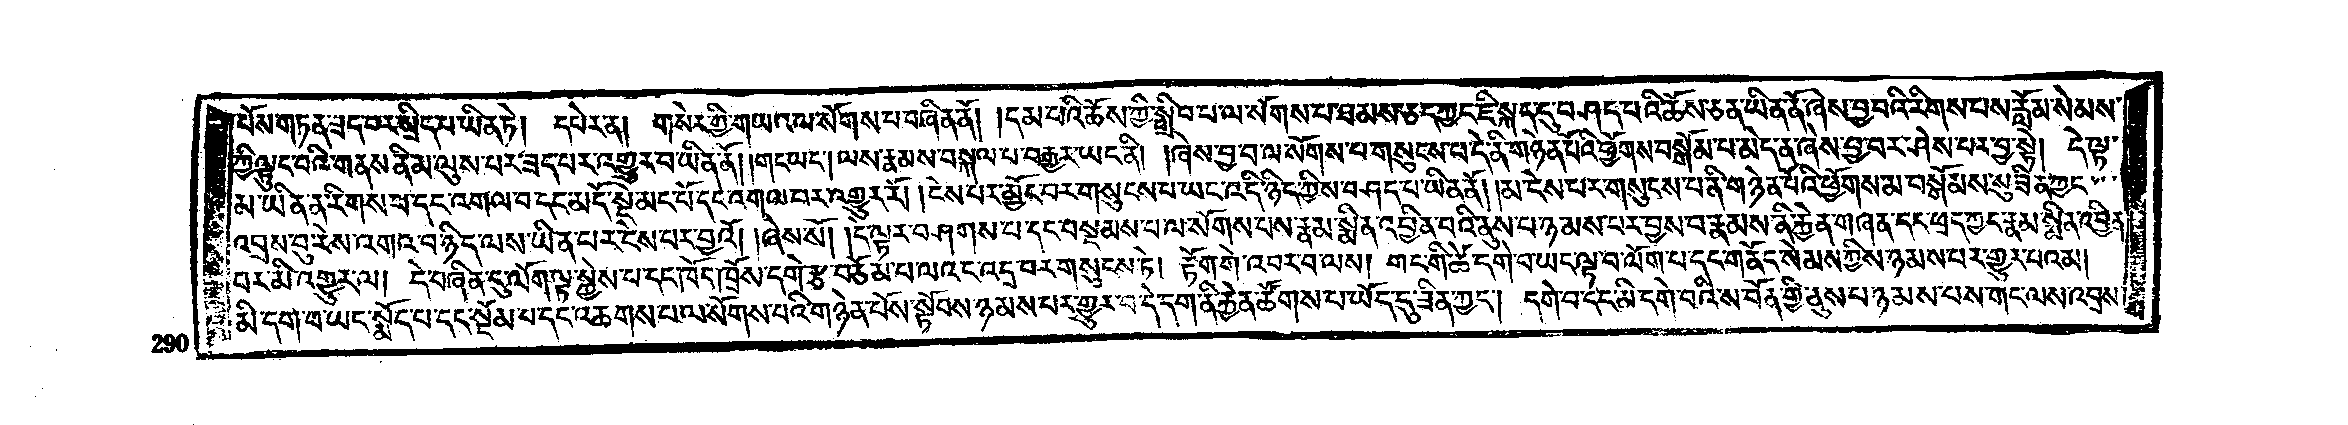པོས་གཏན་ཟད་པར་སྲིད་པ་ཡིན་ཏེ། དཔེར་ན། གསེར་གྱི་གཡའ་ལ་སོགས་པ་བཞིན་ནོ། །དམ་པའི་ཆོས་ཀྱི་སྒྲིབ་པ་ལ་སོགས་པ་ཐམས་ཅད་ཀྱང་ཇི་སྐད་དུ་བཤད་པའི་ཆོས་ཅན་ཡིན་ནོ་ཞེས་བྱ་བའི་རིགས་པས་རློམ་སེམས་
ཀྱི་ལྟུང་བའི་གནས་ནི་མ་ལུས་པར་ཟད་པར་འགྱུར་བ་ཡིན་ནོ། །གང་ཡང་། ལས་རྣམས་བསྐལ་པ་བརྒྱར་ཡང་ནི། །ཞེས་བྱ་བ་ལ་སོགས་པ་གསུངས་པ་དེ་ནི་གཉེན་པོའི་ཕྱོགས་བསྒོམ་པ་མེད་ན་ཞེས་བྱ་བར་ཤེས་པར་བྱ་སྟེ། དེ་ལྟ་
མ་ཡིན་ན་རིགས་པ་དང་འགལ་བ་དང་མདོ་སྡེ་མང་པོ་དང་འགལ་བར་འགྱུར་རོ། །ངེས་པར་མྱོང་བར་གསུངས་པ་ཡང་འདི་ཉིད་ཀྱིས་བཤད་པ་ཡིན་ནོ། །མ་ངེས་པར་གསུངས་པ་ནི་གཉེན་པོའི་ཕྱོགས་མ་བསྒོམས་སུ་ཟིན་ཀྱང་
འབྲས་བུ་རེས་འགའ་བ་ཉིད་ལས་ཡིན་པར་ངེས་པར་བྱའོ། །ཞེས་སོ། །དེ་ལྟར་བཤགས་པ་དང་བསྡམས་པ་ལ་སོགས་པས་རྣམ་སྨིན་འབྱིན་པའི་ནུས་པ་ཉམས་པར་བྱས་པ་རྣམས་ནི་རྐྱེན་གཞན་དང་ཕྲད་ཀྱང་རྣམ་སྨིན་འབྱིན་
པར་མི་འགྱུར་ལ། དེ་བཞིན་དུ་ལོག་ལྟ་སྐྱེས་པ་དང་ཁོང་ཁྲོས་དགེ་རྩ་བཅོམ་པ་ལའང་འདྲ་བར་གསུངས་ཏེ། རྟོག་གེ་འབར་བ་ལས། གང་གི་ཚེ་དགེ་བ་ཡང་ལྟ་བ་ལོག་པ་དང་གནོད་སེམས་ཀྱིས་ཉམས་པར་གྱུར་པའམ།
མི་དགེ་བ་ཡང་སྨོད་པ་དང་སྡོམ་པ་དང་འཆགས་པ་ལ་སོགས་པའི་གཉེན་པོས་སྟོབས་ཉམས་པར་གྱུར་པ་དེ་དག་ནི་རྐྱེན་ཚོགས་པ་ཡོད་དུ་ཟིན་ཀྱང་། དགེ་བ་དང་མི་དགེ་བའི་ས་བོན་གྱི་ནུས་པ་ཉམས་པས་གང་ལས་འབྲས་